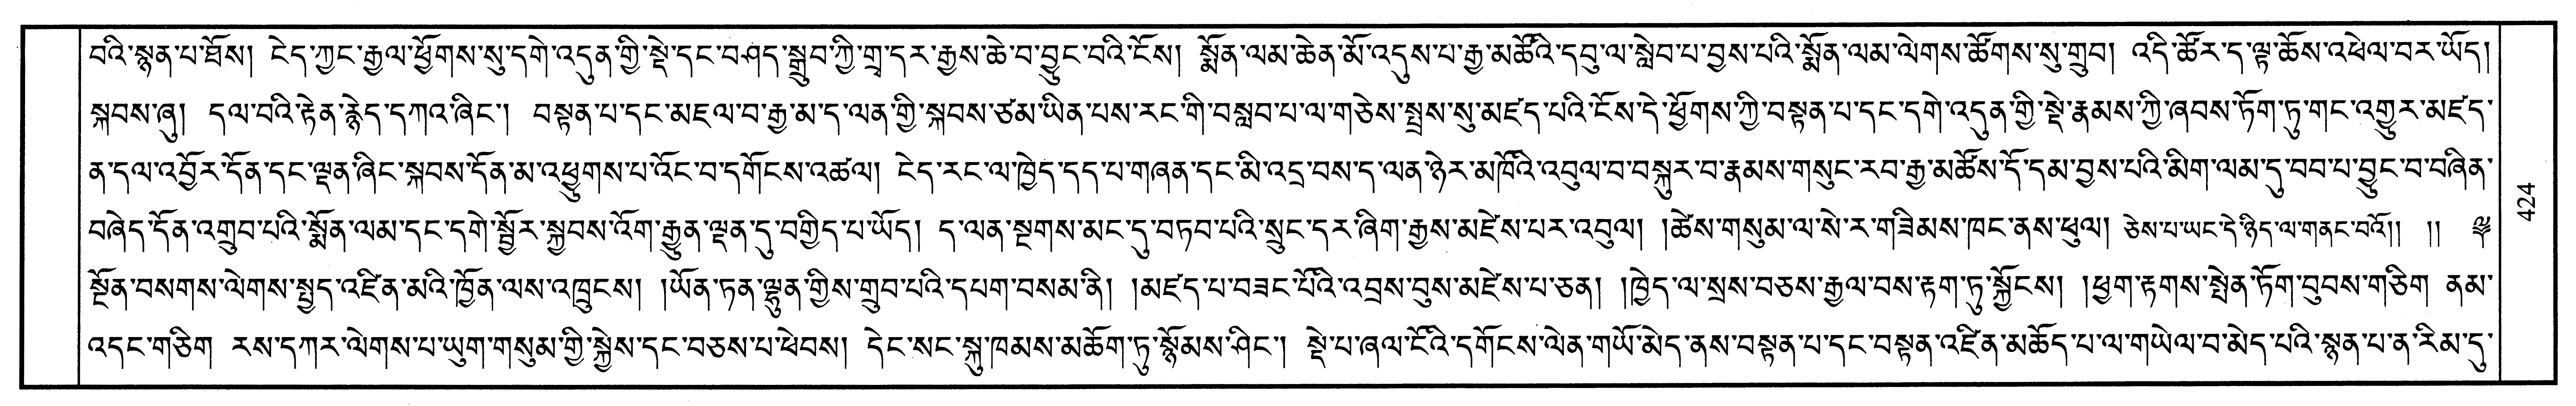བའི་སྙན་པ་ཐོས། །ངེད་ཀྱང་རྒྱལ་ཕྱོགས་སུ་དགེ་འདུན་གྱི་སྡེ་དང་བཤད་སྒྲུབ་ཀྱི་གྲྭ་དར་རྒྱས་ཆེ་བ་བྱུང་བའི་ངོས། །སྨོན་ལམ་ཆེན་མོ་འདུས་པ་རྒྱ་མཚོའི་དབུ་ལ་སླེབ་པ་བྱས་པའི་སྨོན་ལམ་ལེགས་ཚོགས་སུ་གྲུབ། །འདི་ཚོར་ད་ལྟ་ཆོས་འཕེལ་བར་ཡོད།
སྐབས་ཞུ། །དལ་བའི་རྟེན་རྙེད་དཀའ་ཞིང་། །བསྟན་པ་དང་མཇལ་བ་རྒྱ་མ་ད་ལན་གྱི་སྐབས་ཙམ་ཡིན་པས་རང་གི་བསླབ་པ་ལ་གཅེས་སྤྲས་སུ་མཛད་པའི་ངོས་དེ་ཕྱོགས་ཀྱི་བསྟན་པ་དང་དགེ་འདུན་གྱི་སྡེ་རྣམས་ཀྱི་ཞབས་ཏོག་ཏུ་གང་འགྱུར་མཛད་
ན་དལ་འབྱོར་དོན་དང་ལྡན་ཞིང་སྐབས་དོན་མ་འཕྱུགས་པ་འོང་བ་དགོངས་འཚལ། །ངེད་རང་ལ་ཁྱེད་དད་པ་གཞན་དང་མི་འདྲ་བས་ད་ལན་ཉེར་མཁོའི་འབུལ་བ་བསྐུར་བ་རྣམས་གསུང་རབ་རྒྱ་མཚོས་དོ་དམ་བྱས་པའི་མིག་ལམ་དུ་བབ་པ་བྱུང་བ་བཞིན་
བཞེད་དོན་འགྲུབ་པའི་སྨོན་ལམ་དང་དགེ་སྦྱོར་སྐྱབས་འོག་རྒྱུན་ལྡན་དུ་བགྱིད་པ་ཡོད། །ད་ལན་སྔགས་མང་དུ་བཏབ་པའི་སྲུང་དར་ཞིག་རྒྱས་མཛེས་པར་འབུལ། །ཚེས་གསུམ་ལ་སེ་ར་གཟིམས་ཁང་ནས་ཕུལ། །ཅེས་པ་ཡང་དེ་ཉིད་ལ་གནང་བའོ།། །། ༈
སྔོན་བསགས་ལེགས་སྤྱད་འཛིན་མའི་ཁྱོན་ལས་འཁྲུངས། །ཡོན་ཏན་ལྷུན་གྱིས་གྲུབ་པའི་དཔག་བསམ་ནི། །མཛད་པ་བཟང་པོའི་འབྲས་བུས་མཛེས་པ་ཅན། །ཁྱེད་ལ་སྲས་བཅས་རྒྱལ་བས་རྟག་ཏུ་སྐྱོངས། །ཕྱག་རྟགས་སྤེན་ཏོག་བུབས་གཅིག་ནམ་
འདང་གཅིག་རས་དཀར་ལེགས་པ་ཡུག་གསུམ་གྱི་སྐྱེས་དང་བཅས་པ་ཕེབས། དེང་སང་སྐུ་ཁམས་མཆོག་ཏུ་སྙོམས་ཤིང་། །སྡེ་པ་ཞལ་ངོའི་དགོངས་ལེན་གཡོ་མེད་ནས་བསྟན་པ་དང་བསྟན་འཛིན་མཆོད་མཆོད་པ་ལ་གཡེལ་བ་མེད་པའི་སྙན་པ་ན་རིམ་དུ་